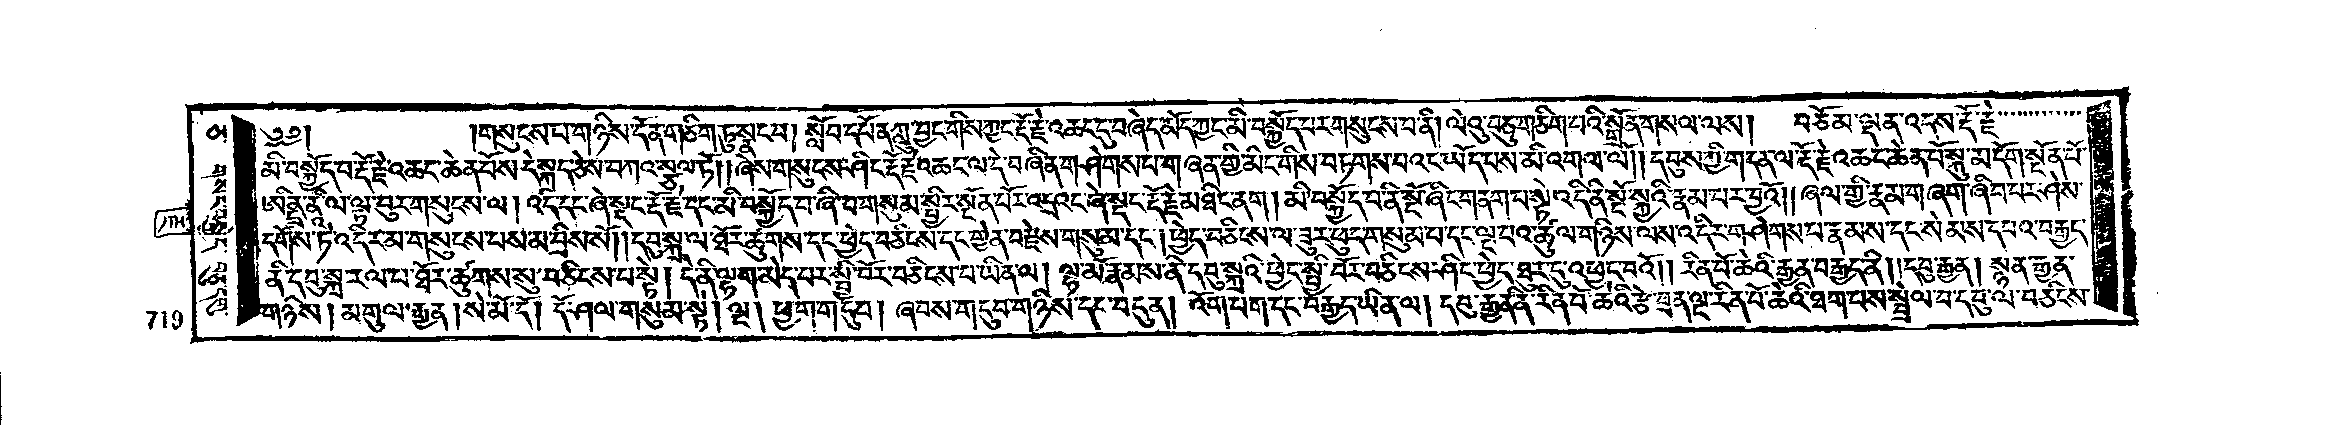༄༅། །གསུངས་པ་གཉིས་དོན་གཅིག་ཏུ་སྣང་བ། སློབ་དཔོན་ཀླུ་བྱང་གིས་ཀྱང་རྡོ་རྗེ་འཆང་དུ་བཞེད་མོད་ཀྱང་མི་བསྐྱོད་པར་གསུངས་པ་ནི། ལེའུ་བཅུ་གཅིག་པའི་སྒྲོན་གསལ་ལས། བཅོམ་ལྡན་འདས་རྡོ་རྗེ་
མི་བསྐྱོད་པ་རྡོ་རྗེ་འཆང་ཆེན་པོས་དེ་སྐད་ཅེས་བཀའ་སྩལ་ཏོ། །ཞེས་གསུངས་ཤིང་རྡོ་རྗེ་འཆང་ལ་དེ་བཞིན་གཤེགས་པ་གཞན་གྱི་མིང་གིས་བཏགས་པའང་ཡོད་པས་མི་འགལ་ལོ། །དབུས་ཀྱི་གདན་ལ་རྡོ་རྗེ་འཆང་ཆེན་པོ་སྐུ་མདོག་སྔོན་པོ་
ཨིནྡྲ་ནཱི་ལ་ལྟ་བུར་གསུངས་ལ། འདི་དང་ཞེ་སྡང་རྡོ་རྗེ་དང་མི་བསྐྱོད་པ་ཞི་བ་གསུམ་སྤྱིར་སྔོན་པོར་འདྲའང་ཞེ་སྡང་རྡོ་རྗེ་མཐིང་ནག །མི་བསྐྱོད་པ་ནི་སྔོ་ཞིང་གནག་པ་སྟེ་འདི་ནི་སྔོ་སྐྱའི་རྣམ་པར་བྱའོ། །ཞལ་གྱི་རྣམ་གཞག་ཞིབ་པར་ཤེས་
དགོས་ཏེ་འདིར་མ་གསུངས་པས་མ་བྲིས་སོ། །དབུ་སྐྲ་ལ་ཐོར་ཚུགས་དང་ཕྱེད་བཅིངས་དང་གྱེན་བརྫེས་གསུམ་དང་། ཕྱེད་བཅིངས་ལ་ཟུར་ཕུད་གསུམ་པ་དང་ལྔ་པའི་ཚུལ་གཉིས་ལས་འདིར་གཤེགས་པ་རྣམས་དང་སེམས་དཔའ་བརྒྱད་
ནི་དབུ་སྐྲ་རལ་པ་ཐོར་ཚུགས་སུ་བཅིངས་པ་སྟེ། དེ་ནི་ལྷག་མེད་པར་སྤྱི་བོར་བཅིངས་པ་ཡིན་ལ། ལྷ་མོ་རྣམས་ནི་དབུ་སྐྲའི་ཕྱེང་སྤྱི་བོར་བཅིངས་ཤིང་ཕྱེད་ཐུར་དུ་འཕྱང་བའོ། །རིན་པོ་ཆེའི་རྒྱན་བརྒྱད་ནི། དབུ་རྒྱན། སྙན་རྒྱན་
གཉིས། མགུལ་རྒྱན། སེ་མོ་དོ། དོ་ཤལ་གསུམ་སྟེ། ལྔ། ཕྱག་གདུབ། ཞབས་གདུབ་གཉིས་དང་བདུན། འོག་པག་དང་བརྒྱད་ཡིན་ལ། དབུ་རྒྱན་ནི་རིན་པོ་ཆེའི་རྩེ་ཕྲན་ལྔ་རིན་པོ་ཆེའི་ཐག་པས་སྦྲེལ་བ་དབུ་ལ་བཅིངས་